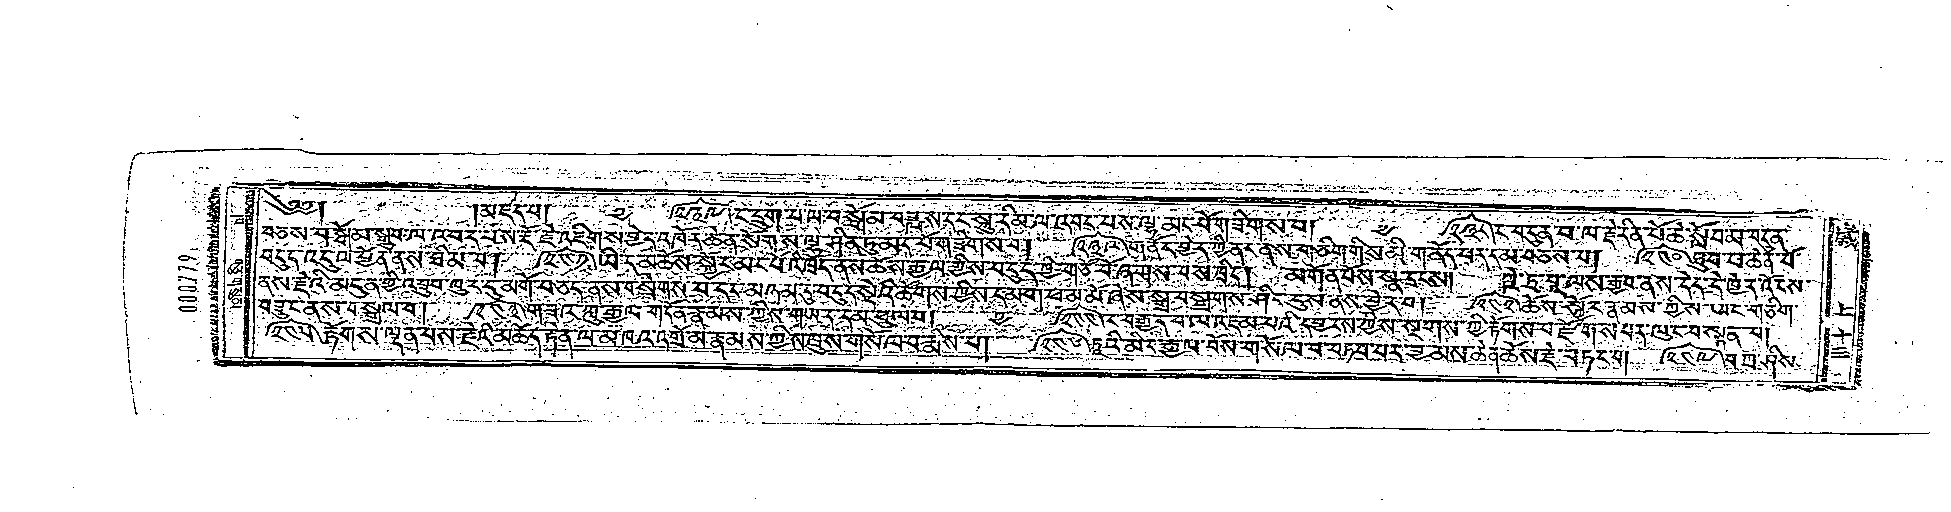༄༅། །མཛད་པ། ༧ ༼༢༣༧?་ང་དྲུག་པ་ལ་བསྒོམ་བཟླས་དང་སྐུ་རིམ་ལ་འབང་པས་ལྷ་མང་པོ་གཟིགས་པ། ༧་༽༢༣༨?་ང་བདུན་པ་ལ་རྗེ་རིན་པོ་ཆེ་སློབ་མ་བདུན་
བཅས་བསྒོམ་སྒྲུབ་ལ་འབད་པས་རྡོ་རྗེ་འཇིགས་བྱེད་འཁོར་ཆེན་སོགས་ལྷ་ཤིན་ཏུ་མང་པོ་གཟིགས་བ། ༼༢༣༩?་གནོད་བྱེད་ཀྱི་ནང་ནས་གཅིག་གིས་མི་གནོད་པར་དམ་བཅས་པ། ༽༢༤༠?་ཐུབ་པ་ཆེན་པོ་
བདུད་འདུལ་བྱོན་ནས་ཐིམ་པ། ༢༤༡?་ཡི་དམ་ཆོས་སྐྱོང་མང་པོའི་ཁྲོད་ནས་ཆོས་རྒྱལ་གྱིས་བདུད་ཀྱི་གཙོ་བོ་ཞགས་པས་ཁྲིད། མགོན་བོས་སྣ་དྲངས། ཀྵེ་ཏྲ་པཱ་ལས་རྒྱབ་ནས་དེད་དེ་ཁྱེར་འོངས་
ནས་རྗེའི་མདུན་གྱི་འབྲུབ་ཁུང་དུ་མགོ་བཅད་ནས་བསྲེགས་པ་དང་མཉམ་དུ་བདུད་སྡེའི་ཚོགས་ཀྱིས་དམག་ཕམ་མོ་ཞེས་སྒྲ་བསྒྲུགས་ཤིང་དུས་ནས་བྱེར་བ། ༢༤༢?་ཆོས་སྐྱོང་རྣམས་ཀྱིས་ཡང་གཅིག་
བཟུང་ནས་བསྒྲལ་བ། ༼༢༤༣?་གཟའ་ཀླུ་རྒྱལ་གདོན་རྣམས་ཀྱིས་གཡར་དམ་ཕུལ་བ། ༧་༽༢༤༤?་ང་བརྒྱད་པ་ལ་འཇམ་པའི་དབྱངས་ཀྱིས་སྔགས་ཀྱི་རྟོགས་པ་རྫོགས་པར་ལུང་བསྟན་པ།
༼༢༤༥?་རྟོགས་ལྡན་པས་རྗེའི་མཆོད་རྟེན་ལ་མཁའ་འགྲོ་མ་རྣམས་ཀྱིས་ཁྲུས་གསོལ་བ་རྨིས་པ། ༽༢༤༦?་ཏཱའི་མིང་རྒྱལ་བོས་གསོལ་བ་བཏབ་པར་བྱམས་ཆེན་ཆོས་རྗེ་བཏང་བ། ༢༤༧?་བཀྲ་ཤིས་